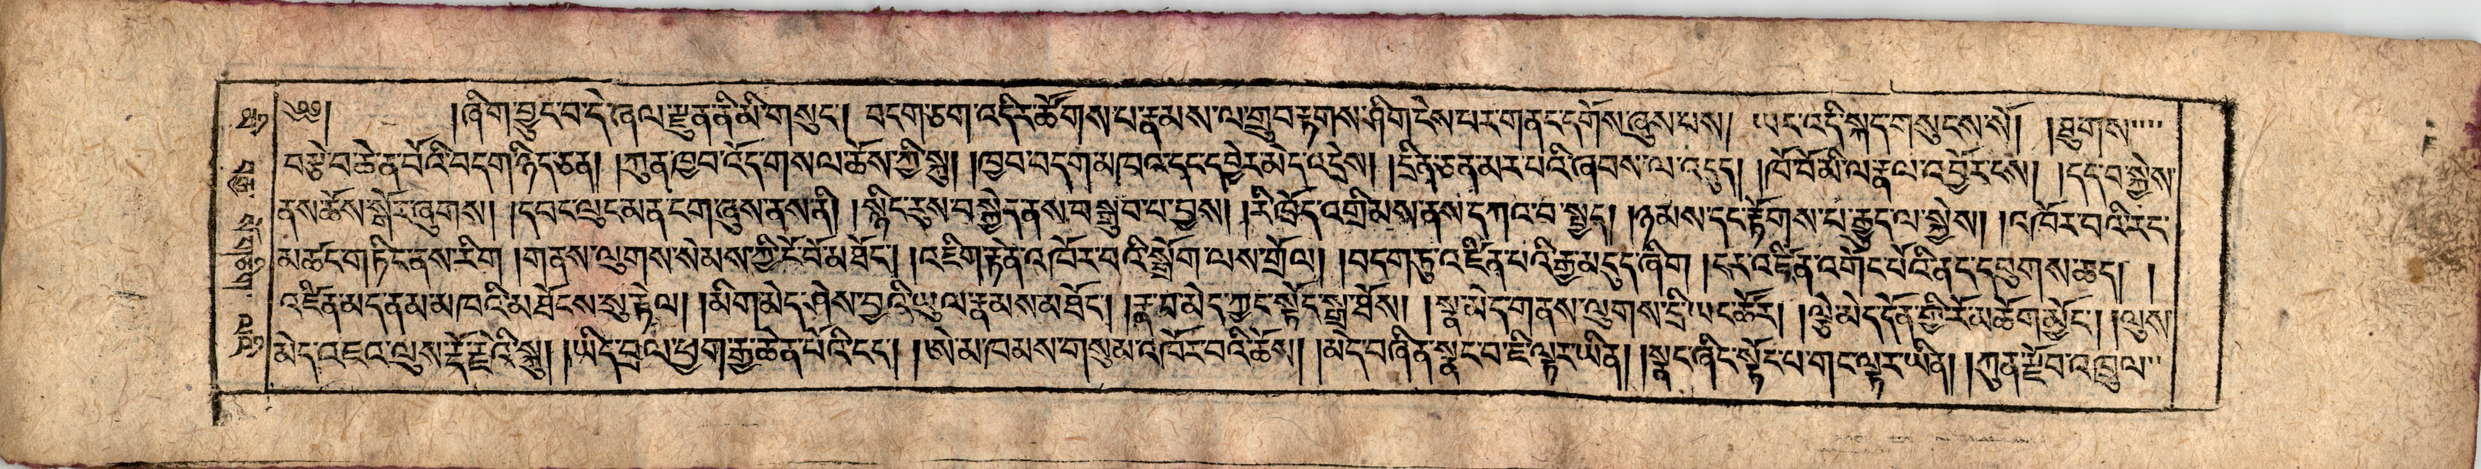ཞིག་བྱུང་བ་དེ་ཞལ་རྫུན་ནི་མི་གསུང་། བདག་ཅག་འདིར་ཚོགས་པ་རྣམས་ལ་གྲུབ་རྟགས་ཤིག་ངེས་པར་གནང་དགོས་ཞུས་པས། ཡང་འདི་སྐད་གསུངས་སོ། །ཐུགས་
བརྩེ་བ་ཆེན་པོའི་བདག་ཉིད་ཅན། །ཀུན་ཁྱབ་འོད་གསལ་ཆོས་ཀྱི་སྐུ། །ཁྱབ་བདག་མཁའ་དང་དབྱེར་མེད་འདྲེས། །དྲིན་ཅན་མར་པའི་ཞབས་ལ་འདུད། །ཁོ་བོ་མི་ལ་རྣལ་འབྱོར་པས། །དད་པ་སྐྱེས་
ནས་ཆོས་སྒོར་ཞུགས། །དབང་ལུང་མན་ངག་ཞུས་ནས་ནི། །སྙིང་རུས་བསྐྱེད་ནས་བསྒྲུབ་པ་བྱས། །རི་ཁྲོད་འགྲིམས་ནས་དཀའ་བ་སྤྱད། །ཉམས་དང་རྟོགས་པ་རྒྱུད་ལ་སྐྱེས། །འཁོར་བའི་རང་
མཚང་གཏིང་ནས་རིག །གནས་ལུགས་སེམས་ཀྱི་ངོ་བོ་མཐོང་། །འཇིག་རྟེན་འཁོར་བའི་སྒྲོག་ལས་གྲོལ། །བདག་ཏུ་འཛིན་པའི་ཆ་མདུད་ཞིག །ངར་འཛིན་འགོང་པོའི་ནང་དབུགས་ཆད། །
འཛིན་མེད་ནམ་མཁའི་མཐོངས་སུ་རྗེ། །མིག་མེད་ཤེས་བྱའི་ཡུལ་རྣམས་མཐོང་། །རྣ་བ་མེད་ཀྱང་སྟོང་སྒྲ་ཐོས། །སྣ་མེད་གནས་ལུགས་དྲི་ཡང་ཚོར། །ལྕེ་མེད་དོན་གྱི་རོ་མཆོག་མྱོང་། །ལུས་
མེད་འཇའ་ལུས་རྡོ་རྗེའི་སྐུ། །ཡིད་བྲལ་ཕྱག་རྒྱ་ཆེན་པོའི་ངང་། །ཨེ་མ་ཁམས་གསུམ་འཁོར་བའི་ཆོས། །མེད་བཞིན་སྣང་བ་ཇི་ལྟར་ཡིན། །སྣང་ཞིང་སྟོང་པ་གང་ལྟར་ཡིན། །ཀུན་རྫོབ་འཁྲུལ་